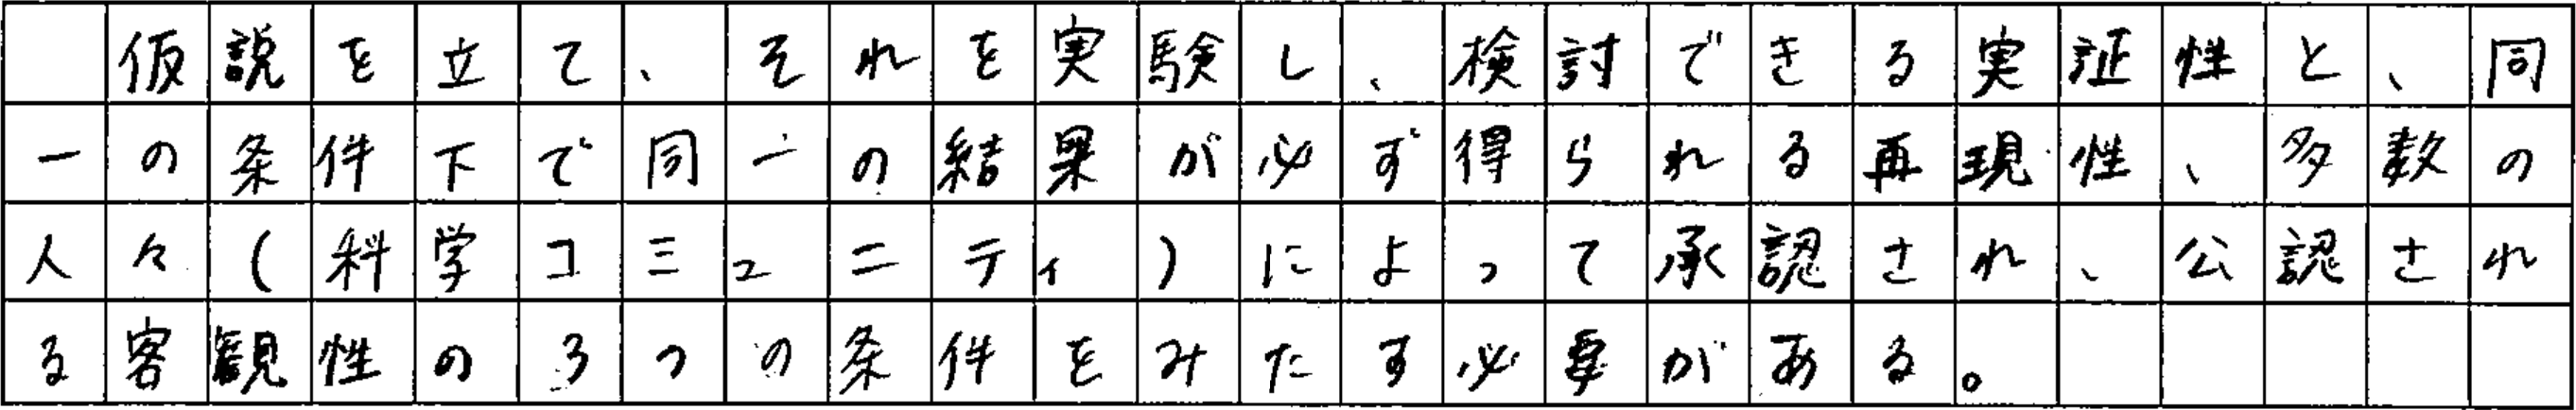　仮説を立て、それを実験し、検討できる実証性と、同一の条件下で同一の結果が必ず得られる再現性、多数の人々（科学コミュニティ）によって承認され、公認される客観性の３つの条件をみたす必要がある。
